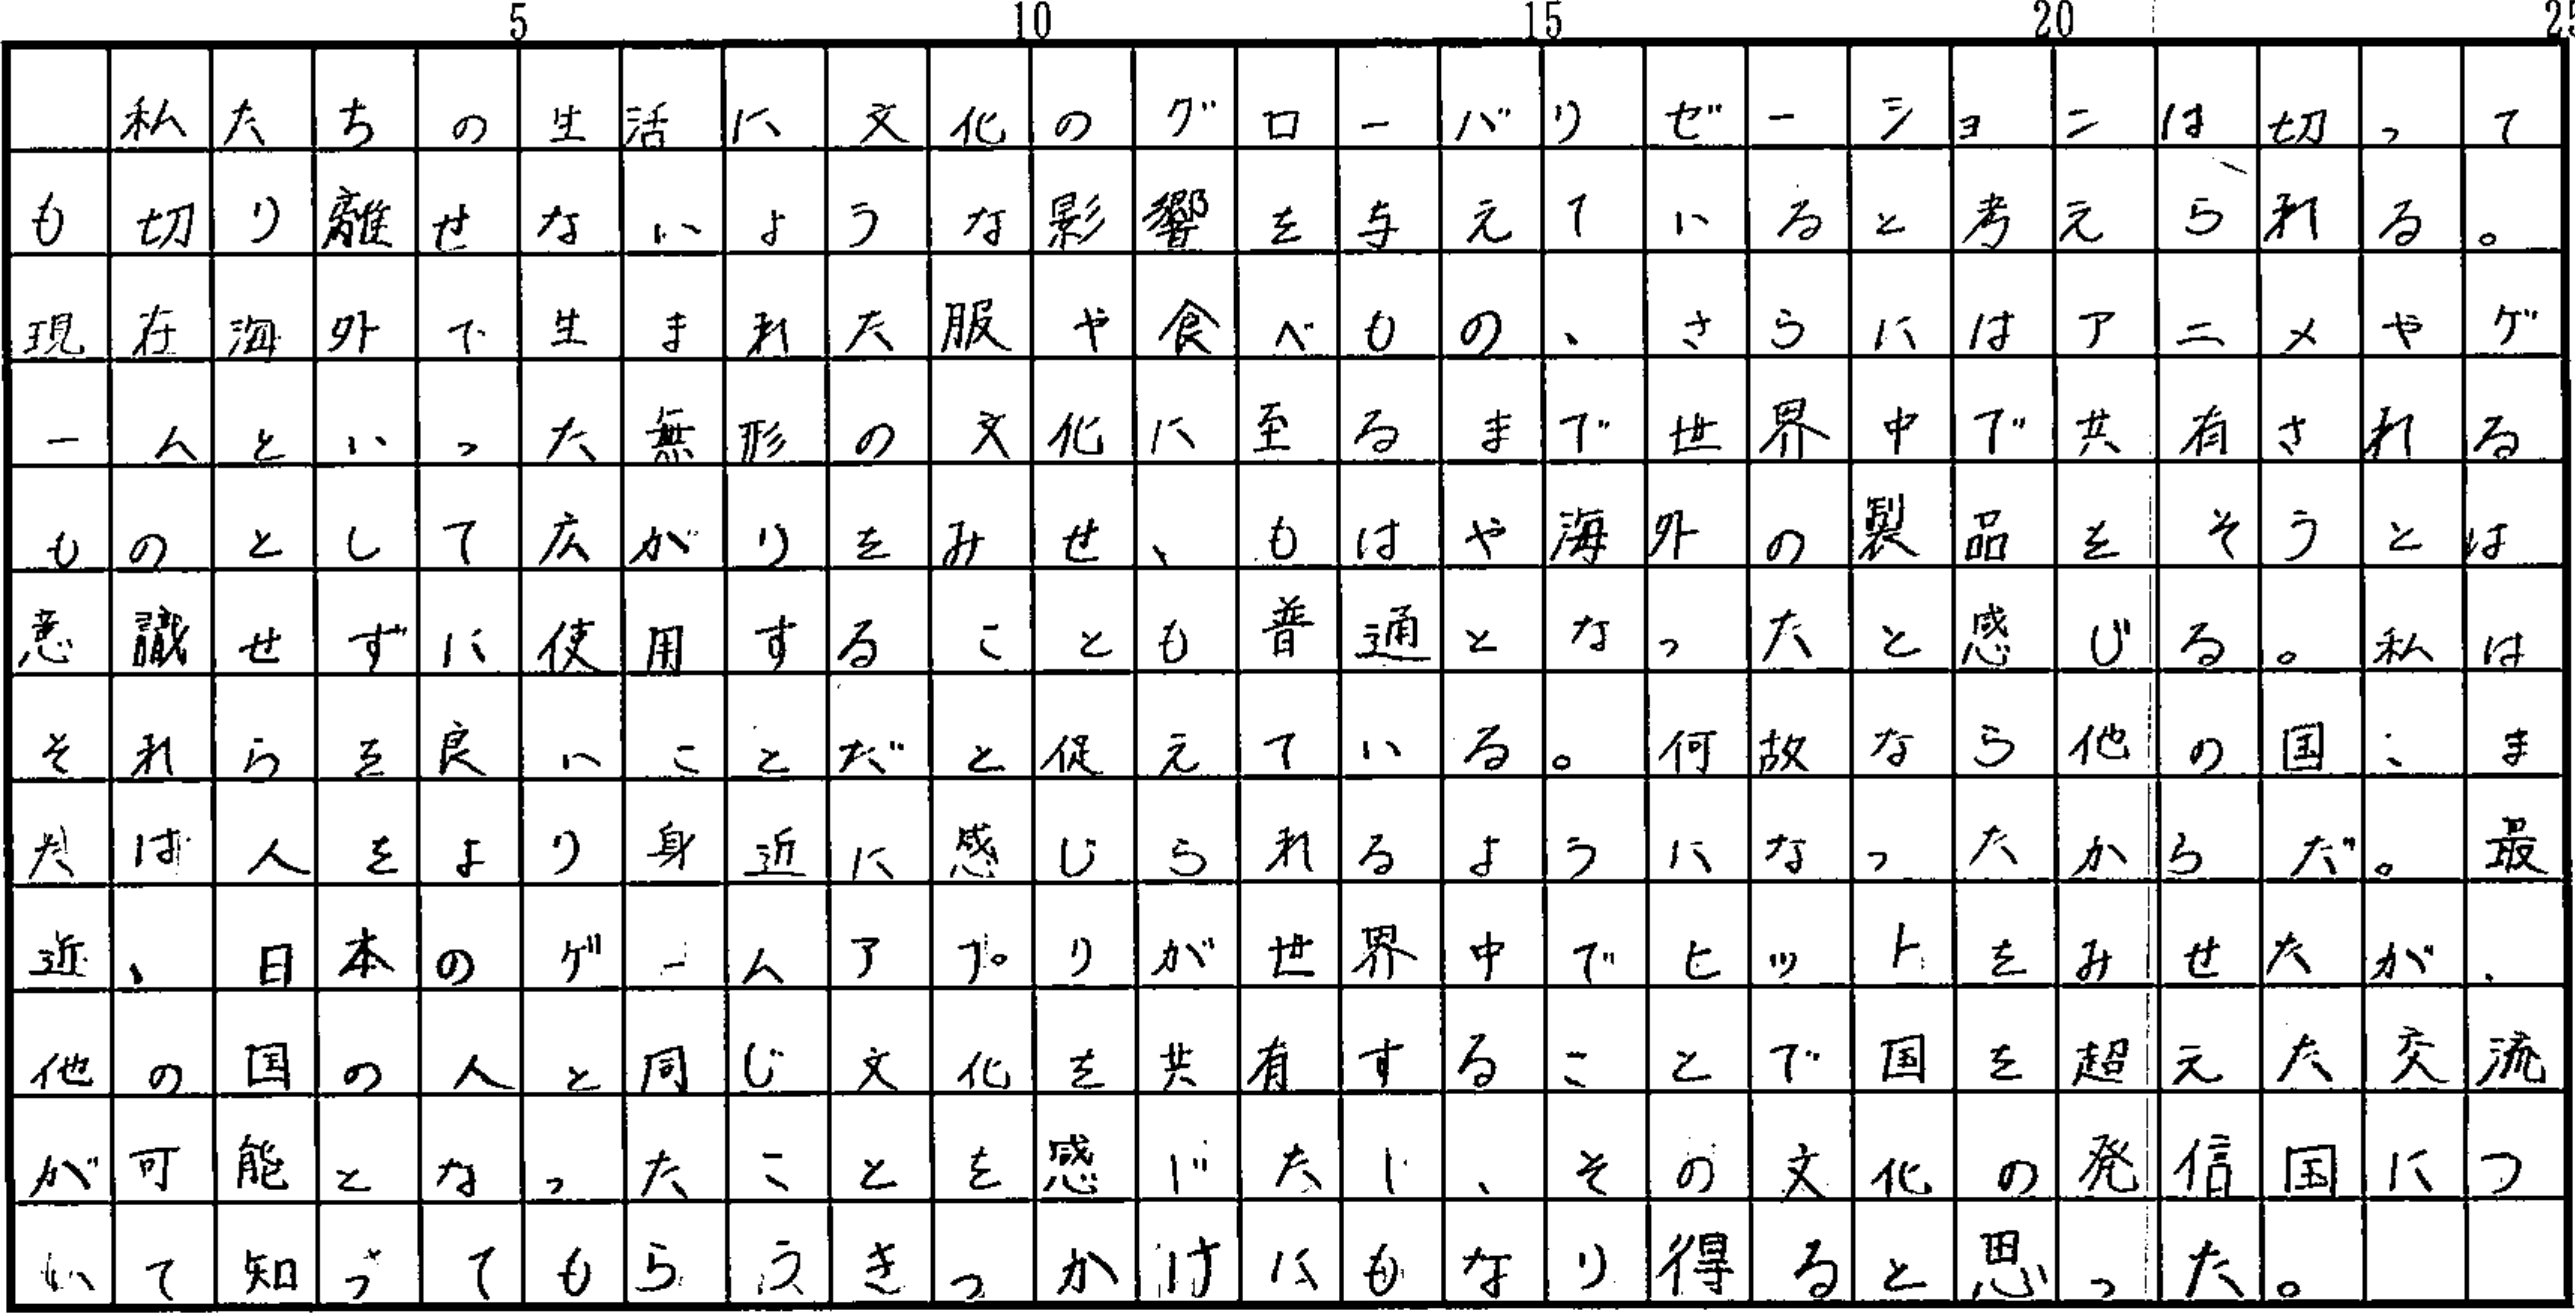　私たちの生活に文化のグローバリゼーションは切っても切り離せないような影響を与えていると考えられる。現在海外で生まれた服や食べもの、さらにはアニメやゲームといった無形の文化に至るまで世界中で共有されるものとして広がりをみせ、もはや海外の製品をそうとは意識せずに使用することも普通となったと感じる。私はそれらを良いことだと促えている。何故なら他の国、または人をより身近に感じられるようになったからだ。最近、日本のゲームアプリが世界中でヒットをみせたが、他の国の人と同じ文化を共有することで国を超えた交流が可能となったことを感じたし、その文化の発信国について知ってもらうきっかけにもなり得ると思った。
